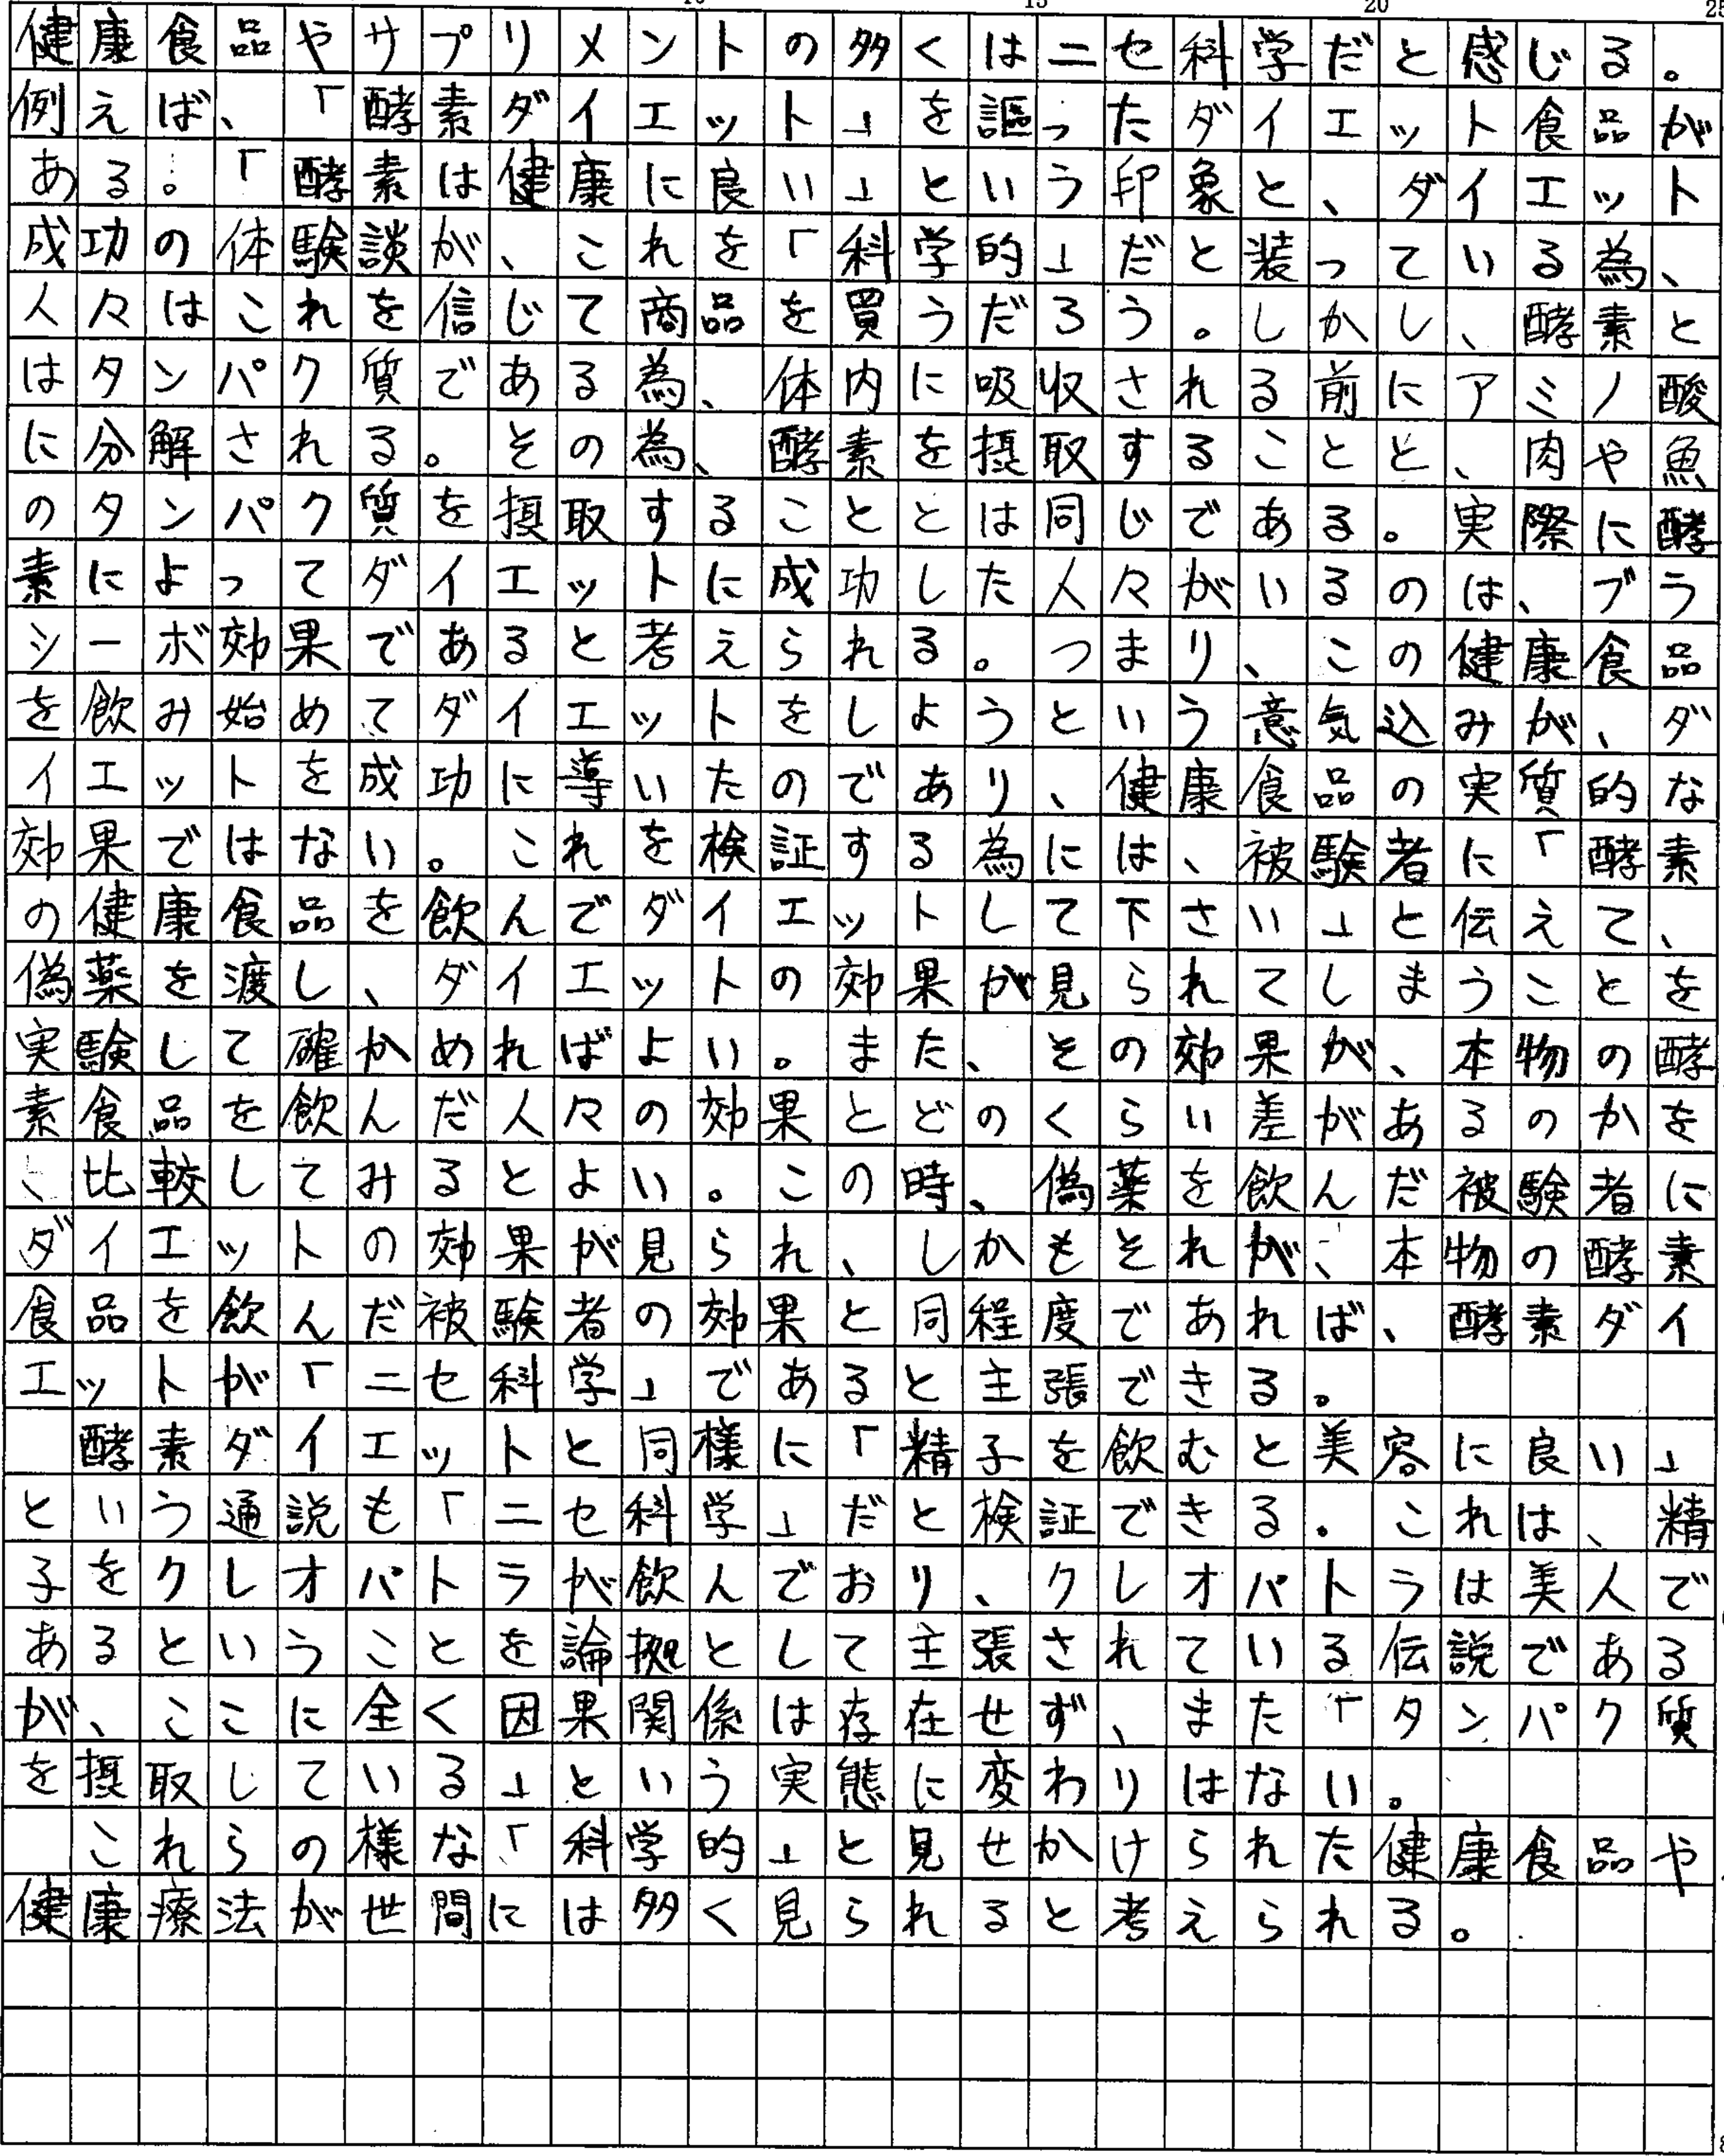健康食品やサプリメントの多くはニセ科学だと感じる。例えば、「酵素ダイエット」を謳ったダイエット食品がある。「酵素は健康に良い」という印象と、ダイエット成功の体験談が、これを「科学的」だと装っている為、人々はこれを信じて商品を買うだろう。しかし、酵素とはタンパク質である為、体内に吸収される前にアミノ酸に分解される。その為、酵素を摂取することと、肉や魚のタンパク質を摂取することとは同じである。実際に酵素によってダイエットに成功した人々がいるのは、ブラシーボ効果であると考えられる。つまり、この健康食品を飲み始めてダイエットをしようという意気込みが、ダイエットを成功に導いたのであり、健康食品の実質的な効果ではない。これを検証する為には、被験者に「酵素の健康食品を飲んでダイエットして下さい」と伝えて、偽薬を渡し、ダイエットの効果が見られてしまうことを実験して確かめればよい。また、その効果が、本物の酵素食品を飲んだ人々の効果とどのくらい差があるのかを、比較してみるとよい。この時、偽薬を飲んだ被験者にダイエットの効果が見られ、しかもそれが、本物の酵素食品を飲んだ被験者の効果と同程度であれば、酵素ダイエットが「ニセ科学」であると主張できる。
　酵素ダイエットと同様に「精子を飲むと美容に良い」という通説も「ニセ科学」だと検証できる。これは、精子をクレオパトラが飲んでおり、クレオパトラは美人であるということを論拠として主張されている伝説であるが、ここに全く因果関係は存在せず、また「タンパク質を摂取している」という実態に変わりはない。
　これらの様な「科学的」と見せかけられた健康食品や健康療法が世間には多く見られると考えられる。
